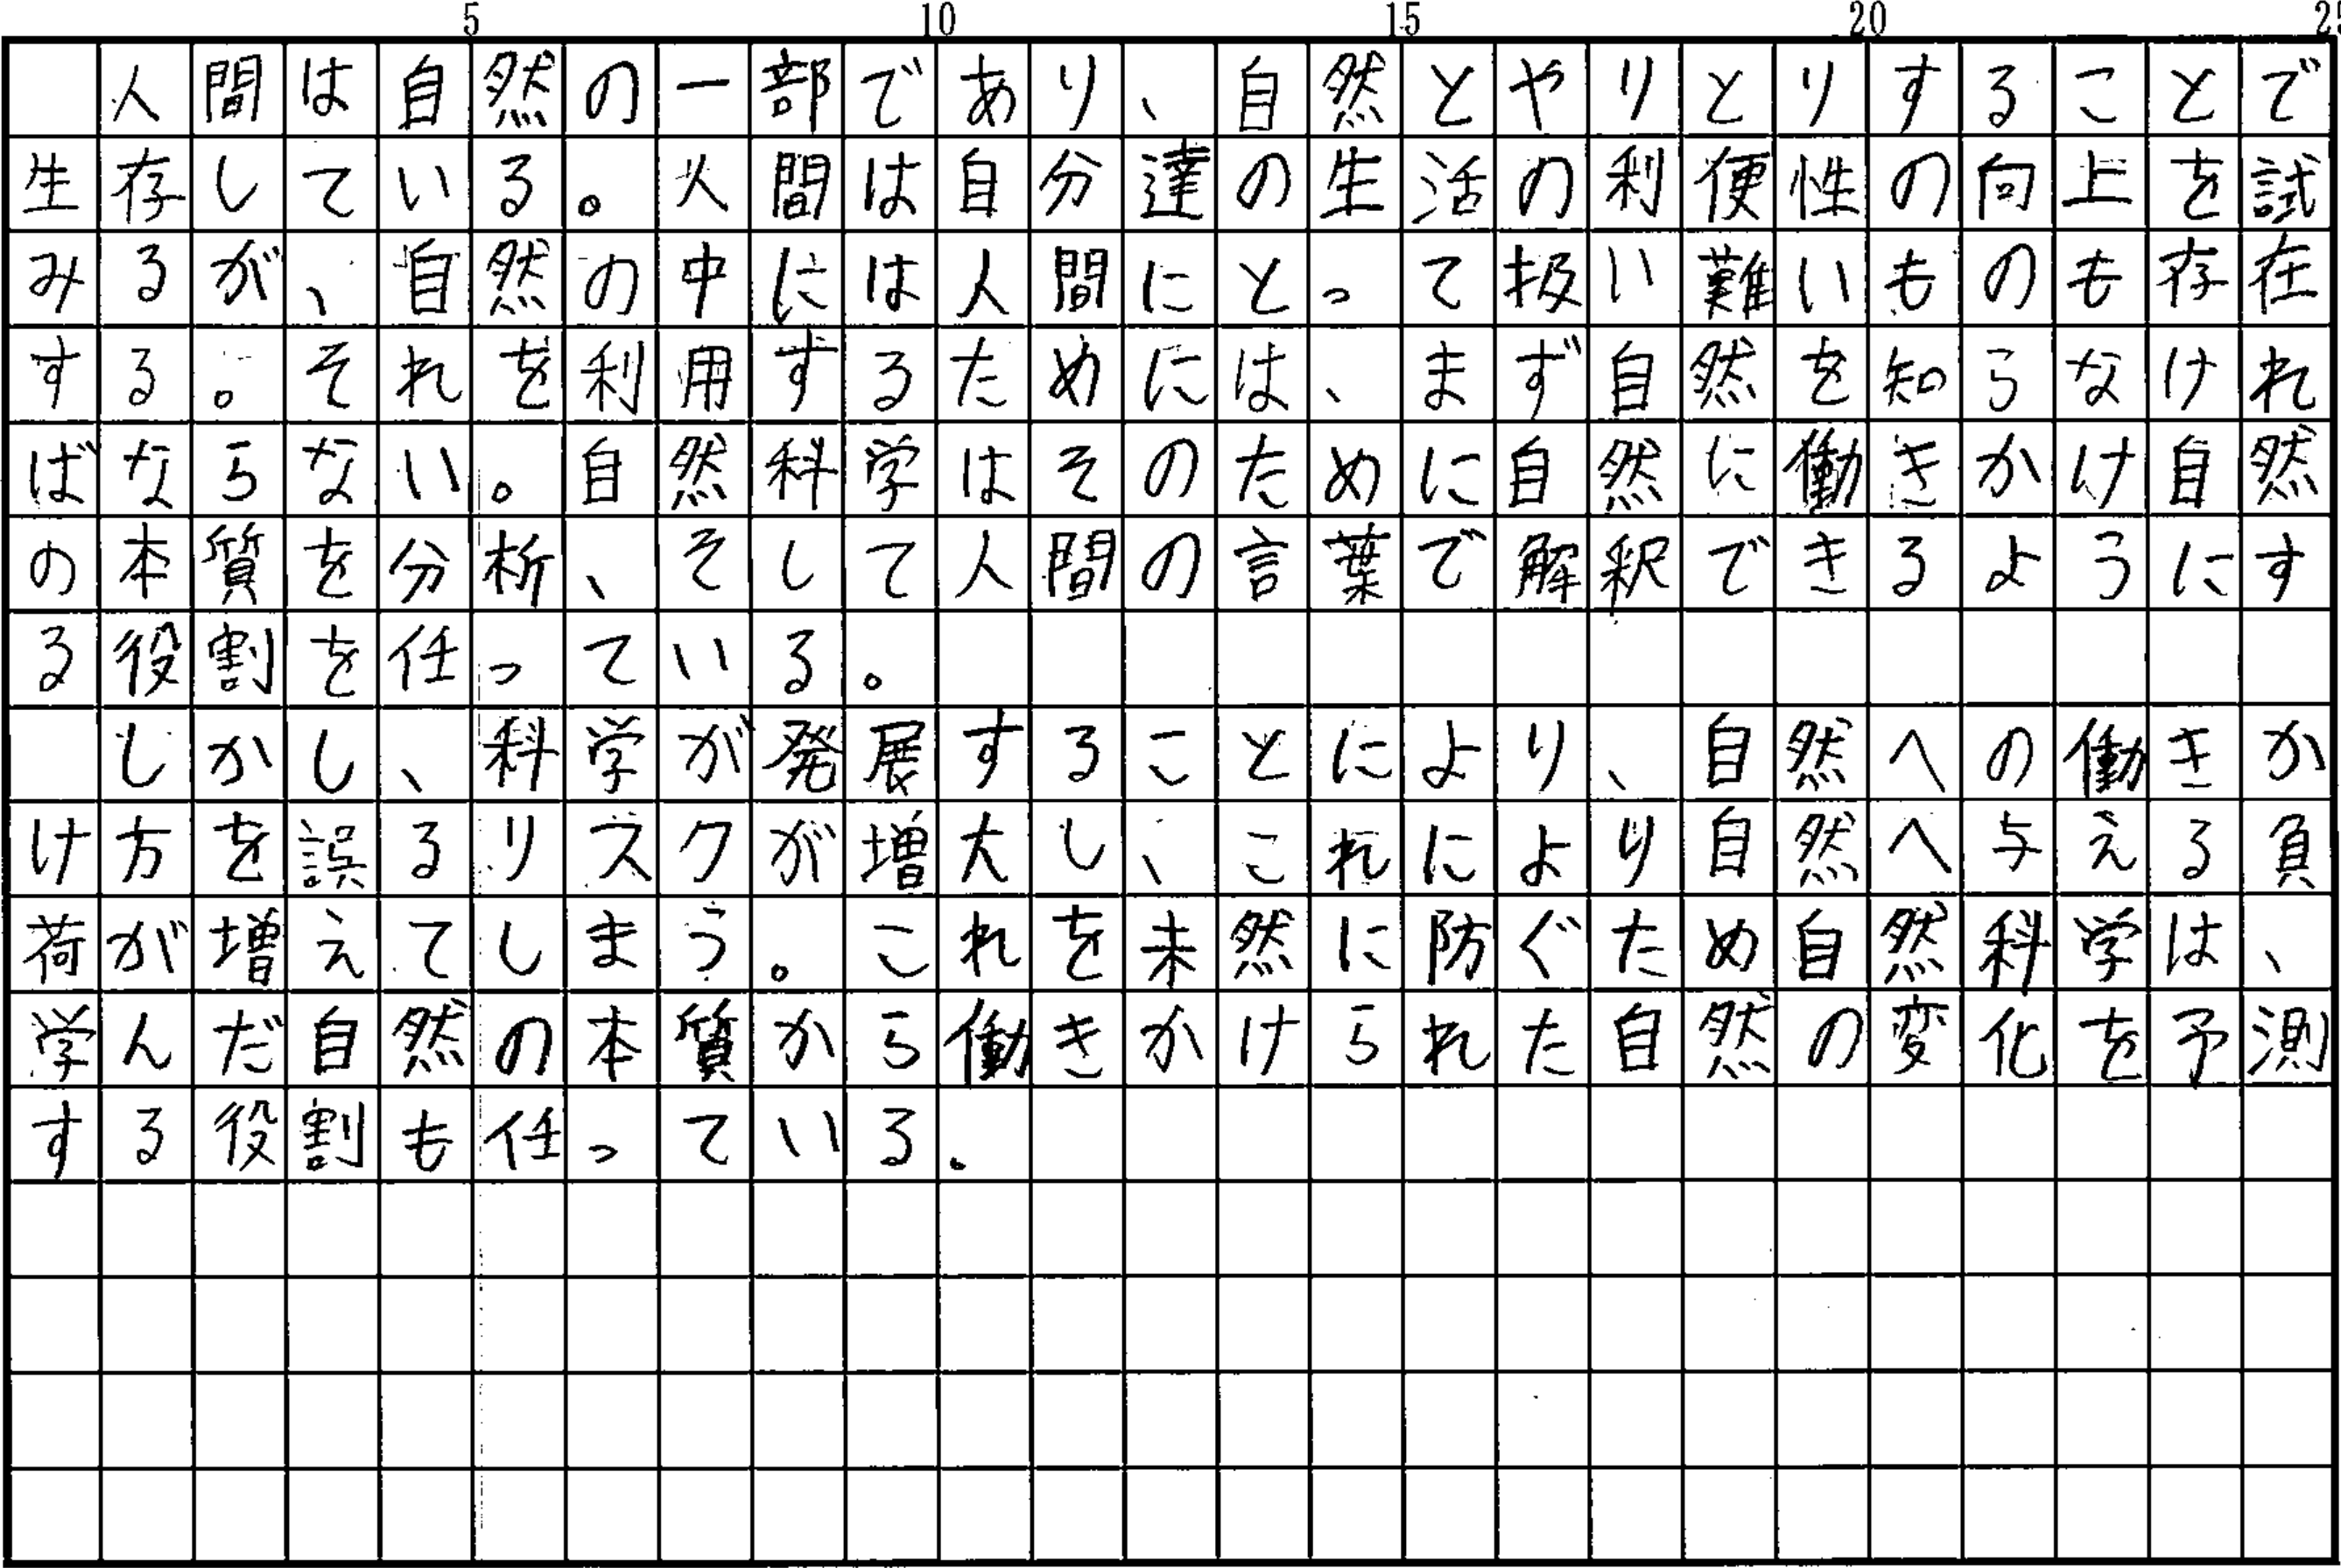　人間は自然の一部であり、自然とやりとりすることで生存している。人間は自分達の生活の利便性の向上を試みるが、自然の中には人間にとって扱い難いものも存在する。それを利用するためには、まず自然を知らなければならない。自然科学はそのために自然に働きかけ自然の本質を分析、そして人間の言葉で解釈できるようにする役割を任っている。
　しかし、科学が発展することにより、自然への働きかけ方を誤るリスクが増大し、これにより自然へ与える負荷が増えてしまう。これを未然に防ぐため自然科学は、学んだ自然の本質から働きかけられた自然の変化を予測する役割も任っている。
